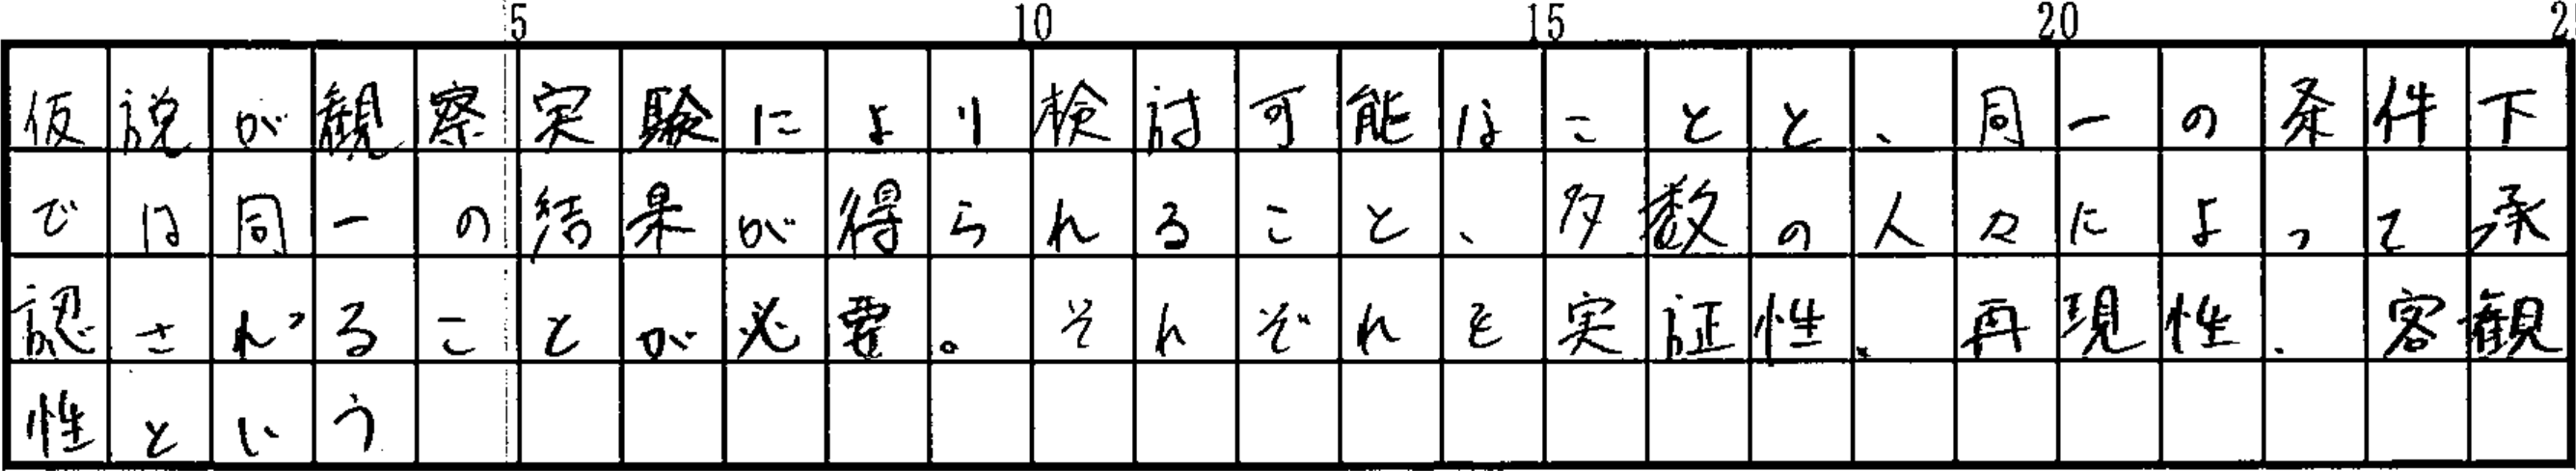仮説が観察実験により検▁可能なことと、同一の条件下では同一の結果が得られること、多数の人々によって承認されることが必要。それぞれを実証性、再現性、客観性という
